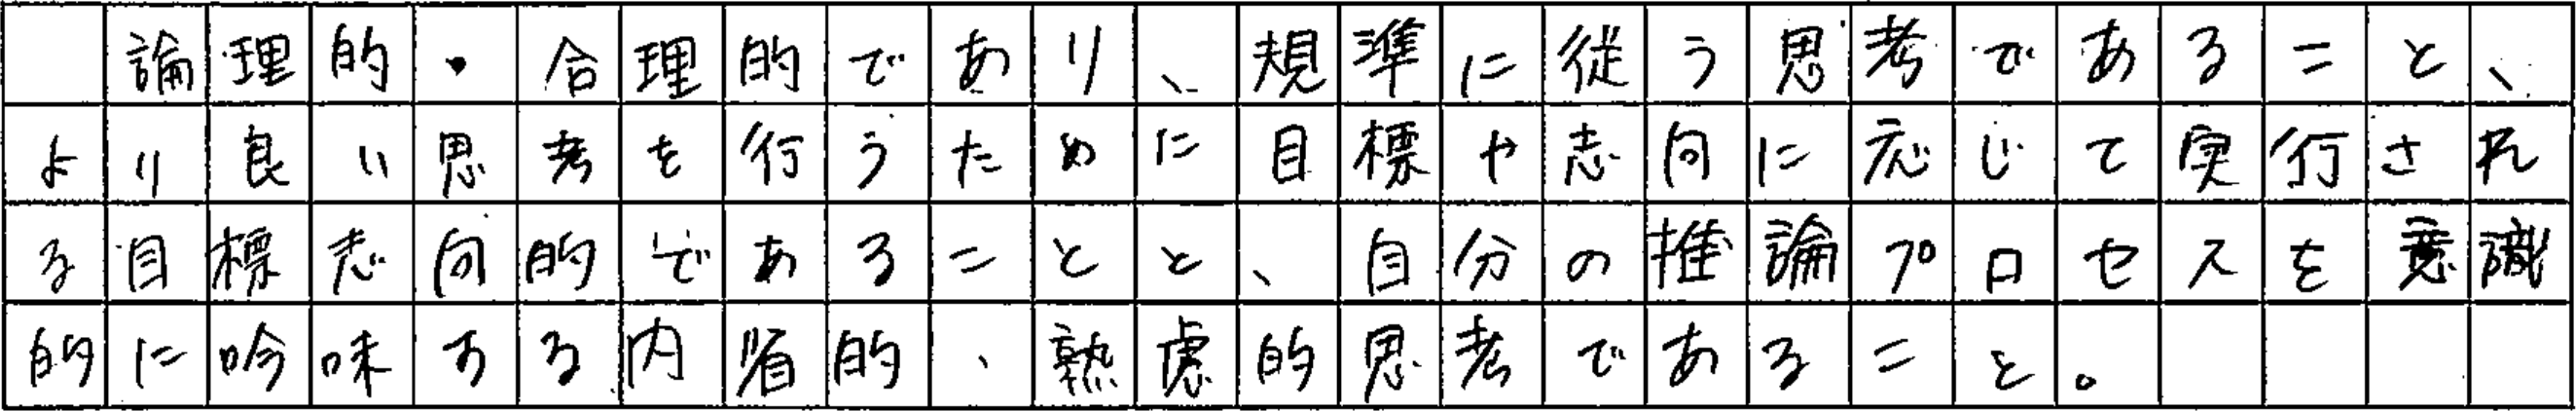　論理的・合理的であり、規準に従う思考であること、より良い思考を行うために目標や志向に応じて実行される目標志向的であることと、自分の推論プロセスを意識的に吟味する内省的・熟慮的思考であること。
